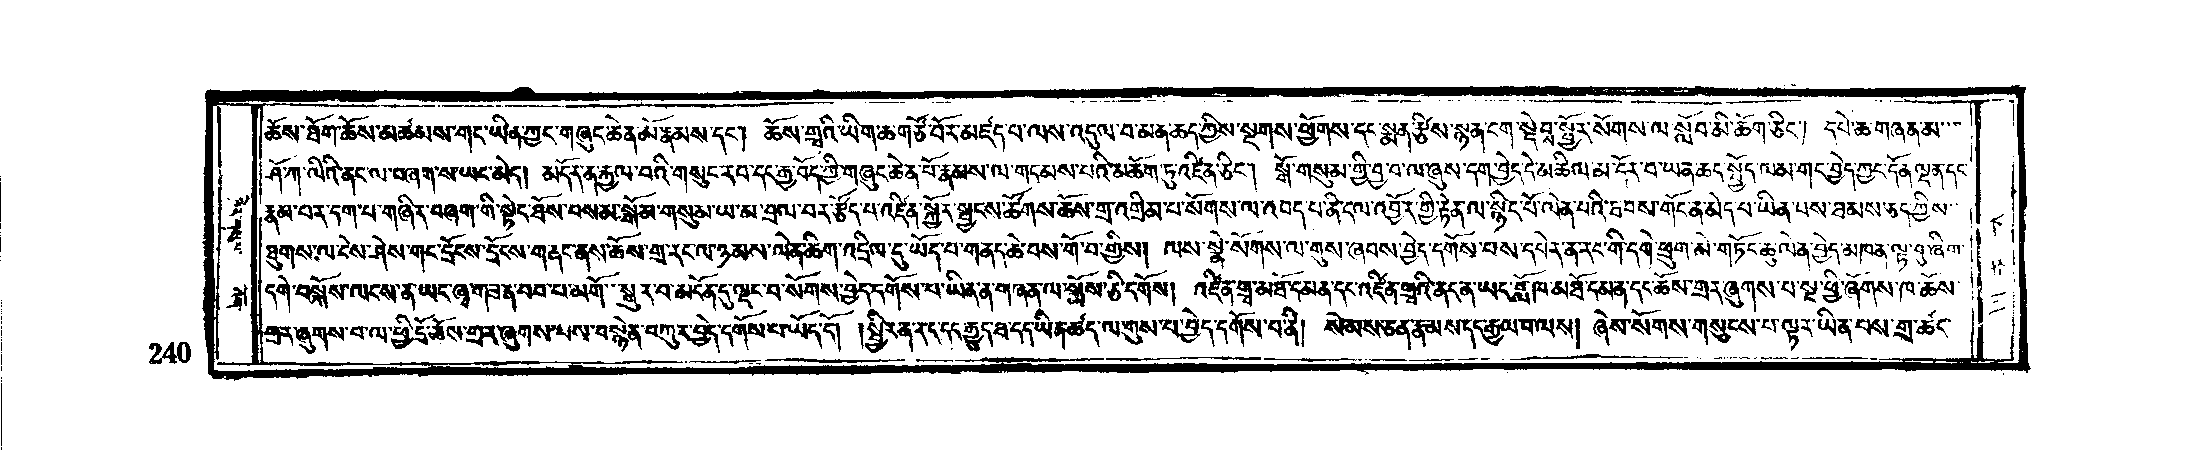ཆོས་ཐོག་ཆོས་མཚམས་གང་ཡིན་ཀྱང་གཞུང་ཆེན་མོ་རྣམས་དང་། ཆོས་གྲྭའི་ཡིག་ཆ་གཙོ་བོར་མཛད་པ་ལས་འདུལ་བ་མན་ཆད་ཀྱིས་སྔགས་ཕྱོགས་དང་སྨན་རྩིས་སྙན་ངག་སྡེབས་སྦྱོར་སོགས་ལ་སློབ་མི་ཆོག་ཅིང་། དཔེ་ཆ་གཞན་མ་
ཤོ་ཀ་ལིའི་ནང་ལ་བཞག་ས་ཡང་མེད། མདོར་ན་རྒྱལ་བའི་གསུང་རབ་དང་རྒྱ་བོད་ཀྱི་གཞུང་ཆེན་པོ་རྣམས་ལ་གདམས་པའི་མཆོག་ཏུ་འཛིན་ཅིང་། སྒོ་གསུམ་གྱི་བྱ་བ་ལ་ཞུས་དག་བྱེད་དེ་མཆིལ་མ་དོར་བ་ཡན་ཆད་སྤྱོད་ལམ་གང་བྱེད་ཀྱང་དོན་ལྡན་དང་
རྣམ་པར་དག་པ་གཞིར་བཞག་གི་སྟེང་ཐོས་བསམ་སྒོམ་གསུམ་ཡ་མ་བྲལ་བར་རྩོད་པ་འཛིན་སྐྱོར་སྦྱངས་ཚོགས་ཆོས་གྲ་འགྲིམ་པ་སོགས་ལ་འབད་པ་ནི་ངལ་འབྱོར་གྱི་རྟེན་ལ་སྙིང་པོ་ལེན་པའི་ཐབས་གོང་ན་མེད་པ་ཡིན་པས་ཐམས་ཅད་ཀྱིས་
ཐུགས་ལ་ངེས་ཤེས་གང་དྲོངས་དྲོངས་གནང་ནས་ཆོས་གྲ་རང་ལ་ཉམས་ལེན་ཆིག་འདྲིལ་དུ་ཡོད་པ་གནད་ཆེ་བས་གོ་བ་གྱིས། ལས་སྣེ་སོགས་ལ་གུས་ཞབས་བྱེད་དགོས་པས་དཔེར་ན་རང་གི་དགེ་ཕྲུག་མེ་གཏོང་ཆུ་ལེན་བྱེད་མཁན་ལྟ་བུ་ཞིག་
དགེ་བསྐོས་ལངས་ན་ཡང་ཞྭ་གཟན་བབ་པ་མགོ་སྒུར་བ་མངོན་དུ་ལྡང་བ་སོགས་བྱེད་དགོས་པ་ཡིན་ན་གཞན་ལ་སྨོས་ཅི་དགོས། འཛིན་གྲྭ་མཐོ་དམན་དང་འཛིན་གྲྭའི་ནང་ན་ཡང་བློ་ཁ་མཐོ་དམན་དང་ཆོས་གྲར་ཞུགས་པ་སྔ་ཕྱི་ཞོགས་ཁ་ཆོས་
གྲར་ཞུགས་པ་ལ་ཕྱི་དྲོ་ཆོས་གྲར་ཞུགས་པས་བསྙེན་བཀུར་བྱེད་དགོས་པ་ཡོད་དོ། །སྦྱིར་ན་རང་དང་རྒྱུད་ཐ་དད་ཡིན་ཚད་ལ་གུས་པ་བྱེད་དགོས་པ་ནི། སེམས་ཅན་རྣམས་དང་རྒྱལ་བ་ལས། ཞེས་སོགས་གསུངས་པ་ལྟར་ཡིན་པས་གྲ་ཚང་